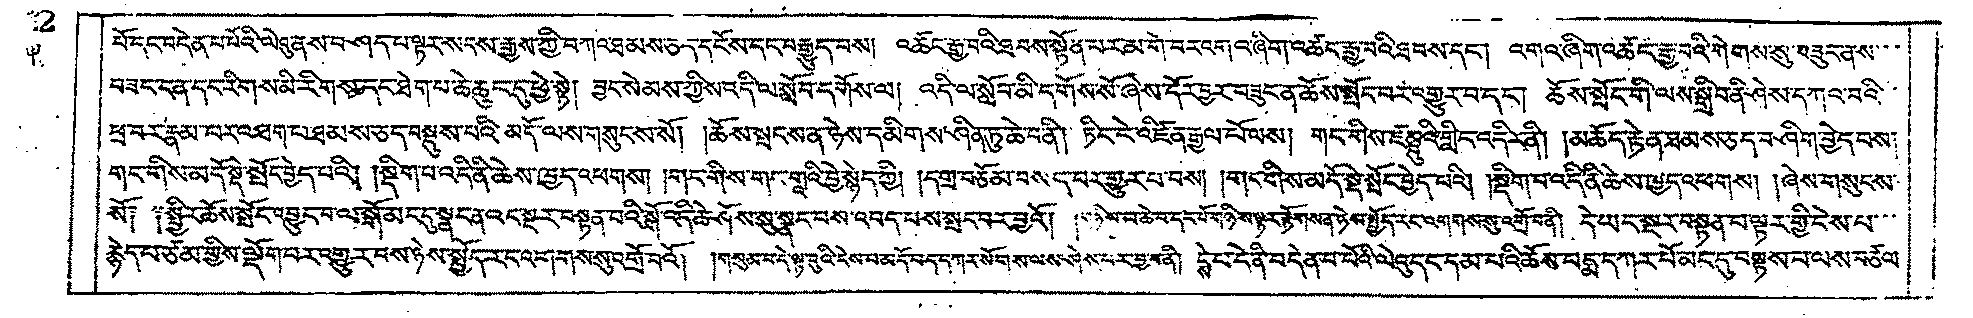པོ་དང་བདེན་པ་པོའི་ལེའུ་ནས་བཤད་པ་ལྟར་སངས་རྒྱས་ཀྱི་བཀའ་ཐམས་ཅད་དངོས་དང་བརྒྱུད་པས། འཚང་རྒྱ་བའི་ཐབས་སྟོན་པར་མ་གོ་བར་འགའ་ཞིག་འཚང་རྒྱ་བའི་ཐབས་དང་། འགའ་ཞིག་འཚང་རྒྱ་བའི་གེགས་སུ་བཟུང་ནས་
བཟང་ངན་དང་རིགས་མི་རིགས་དང་ཐེག་པ་ཆེ་ཆུང་དུ་ཕྱེ་སྟེ། བྱང་སེམས་ཀྱིས་འདི་ལ་སློབ་དགོས་ལ། འདི་ལ་སློབ་མི་དགོས་སོ་ཞེས་དོར་བྱར་བཟུང་ན་ཆོས་སྤོང་བར་འགྱུར་བ་དང་། ཆོས་སྤོང་གི་ལས་སྒྲིབ་ནི་ཤེས་དཀའ་བའི་
ཕྲ་བར་རྣམ་པར་འཐག་པ་ཐམས་ཅད་བསྡུས་པའི་མདོ་ལས་གསུངས་སོ། །ཆོས་སྤངས་ན་ཉེས་དམིགས་ཤིན་ཏུ་ཆེ་བ་ནི། ཏིང་ངེ་འཛིན་རྒྱལ་པོ་ལས། གང་གིས་རྫམྦུའི་གླིང་འདིར་ནི། །མཆོད་རྟེན་ཐམས་ཅད་བཤིག་བྱེད་བས།
གང་གིས་མདོ་སྡེ་སྤོང་བྱེད་པའི། །སྡིག་པ་འདི་ནི་ཆེས་ཁྱད་འཕགས། །གང་གིས་གང་གཱའི་བྱེ་སྙེད་ཀྱི། །དགྲ་བཅོམ་བསད་པར་གྱུར་པ་བས། །གང་གིས་མདོ་སྡེ་སྤོང་བྱེད་པ་འི། །སྡིག་པ་འདི་ནི་ཆེས་ཁྱད་འཕགས། །ཞེས་གསུངས་
སོ༑ ༑སྤྱིར་ཆོས་སྤོང་འབྱུང་བ་ལ་སྒོ་མང་དུ་སྣང་ནའང་སྔར་བསྟན་པའི་སྒོ་འདི་ཆེ་ཤོས་སུ་སྣང་བས་འབད་པས་སྤང་བར་བྱའོ། ། གཉིས་པ་ཆེ་བ་དང་པོ་གཉིས་ལྟར་རྟོགས་ན་ཉེས་སྤྱོད་རང་འགགས་སུ་འགྲོ་བ་ནི། དེ་ཡང་སྔར་བསྟན་པ་ལྟར་གྱི་ངེས་པ་
རྙེད་པ་ཙམ་གྱིས་ལྡོག་པར་འགྱུར་བས་ཉེས་སྤྱོད་རང་འགགས་སུ་འགྲོ་བའོ། ། གསུམ་པ་དེ་ལྟ་བུའི་ངེས་པ་མདོ་པད་དཀར་སོགས་ལས་ཤེས་པར་བྱ་བ་ནི། དེས་པ་དེ་ནི་བདེན་པ་པོའི་ལེའུ་དང་དམ་པའི་ཆོས་པདམ་དཀར་པོ་མང་དུ་བལྟས་པ་ལས་བཙལ་